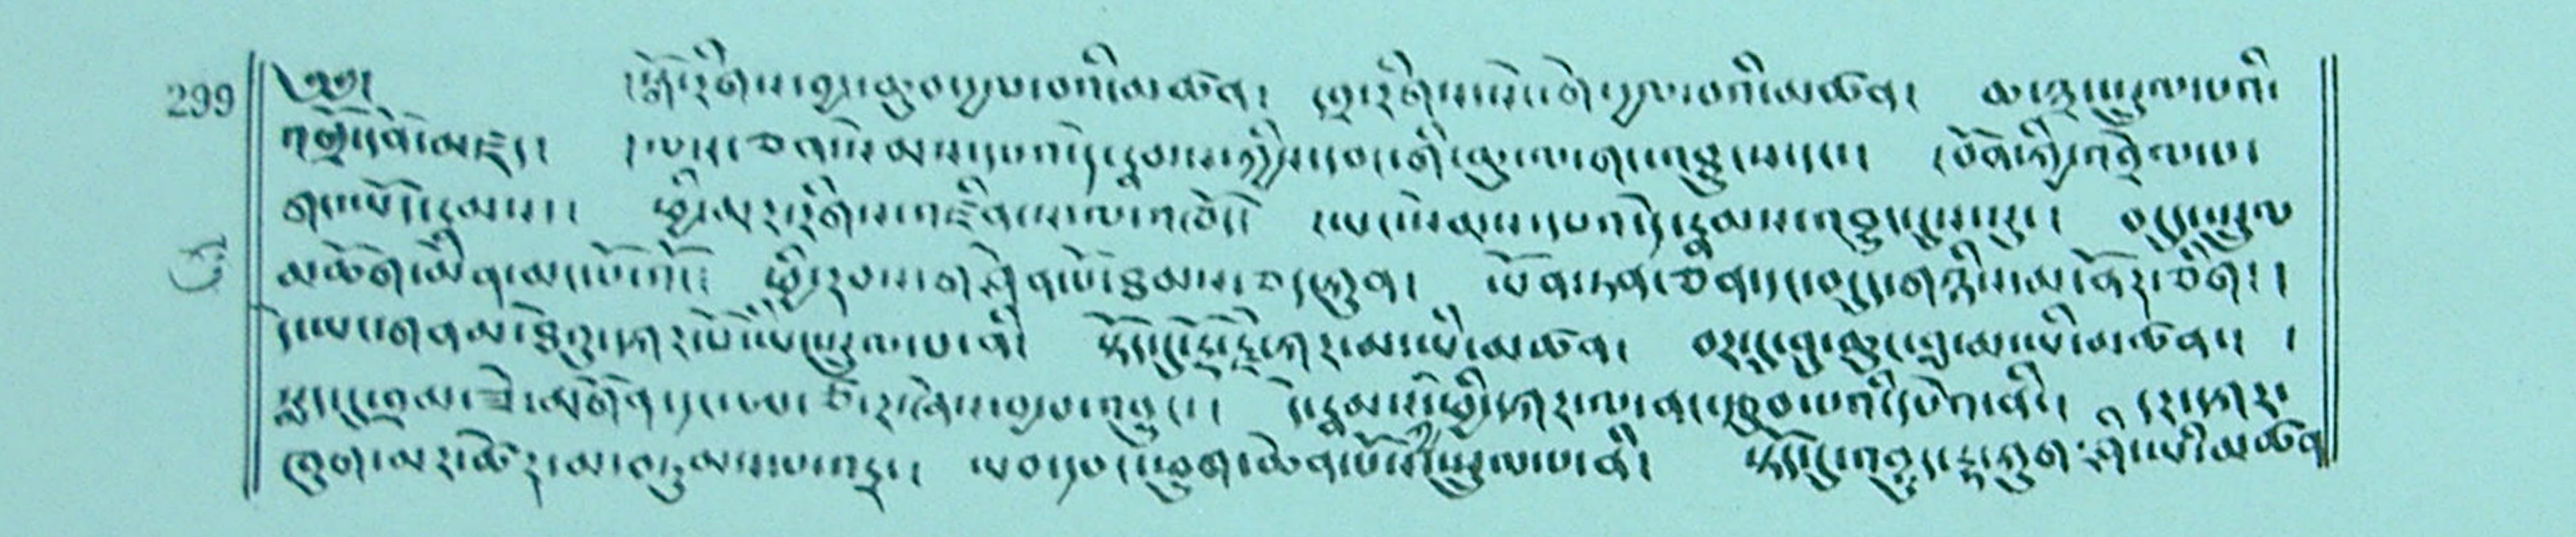༄༅། །རྒྱལ་མཚན། སྒོ་རིགས་བྱང་ཆུབ་རྒྱལ་བའི་མཚན། དབྲ་རིགས་སེང་གེ་རྒྱལ་བའི་མཚན། ཆ་གསུམ་སྤྲུལ་པའི་
འགྲོ་དོན་མཛད། ལས་ཅན་སེམས་དཔའ་དེ་རྣམས་ཀྱིས། དབང་གི་ཆུ་ལ་གང་འཐུང་དང་། བོན་གྱི་འབྲེལ་བ་
གང་ཡོད་རྣམས། ཕྱི་མར་རིགས་འཛིན་ས་ལ་འཁོད། ཡང་སེམས་དཔའ་དེ་རྣམས་འབྱུང་དུས་སུ། བདུད་སྤྲུལ་
མཆོག་མིན་མང་པོ་འོང་། ཕྱི་རབས་གཤེན་པོ་ཐམས་ཅད་ཀུན། ཡོན་ཏན་ཅན་དང་བདུད་གཉིས་མ་ནོར་ཅིག 
དེ་ཡང་གནམ་ཐེའུ་དཀར་པོའི་སྤྲུལ་པ་ནི། སྟོད་དུ་རྡོ་རྗེ་ཀར་མ་ཡི་མཚན། བར་དུ་བུ་ཆུང་བླ་མ་ཡི་མཚན། 
སྨད་དུ་བྲམ་ཟེ་མགོན་དུ་ཨ་ཙ་ར་ཞེས་བྱ་བ་འབྱུང་། དེ་རྣམས་ཀྱི་ཕྱི་དཀར་ལ་ནང་རྩུབ་པའི་དཔེ་ནི། དར་དཀར་
ཁུག་མར་ཚེར་མ་བཏུམ་པ་འདྲ། ཡབ་དབང་ཕྱུག་ཆེན་པོའི་སྤྲུལ་པ་ནི། སྟོད་དུ་འབུད་དྷ་ཀུག་ཤིའི་མཚན།